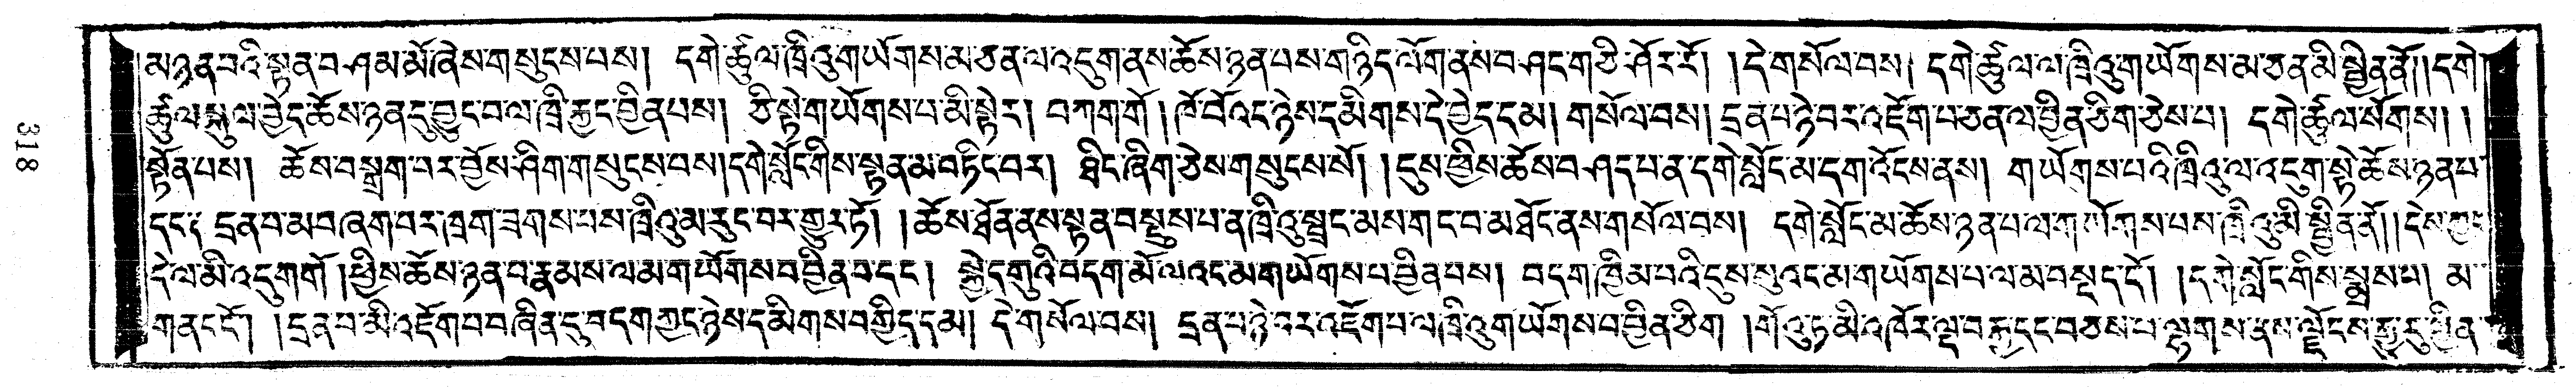མཉན་པའི་སྟན་བཤམ་མོ་ཞེས་གསུངས་པས། དགེ་ཚུལ་ཁྲིའུ་གཡོགས་མ་ཅན་ལ་འདུག་ནས་ཆོས་ཉན་པས་གཉིད་ལོག་ནས་བཤང་གཅི་ཤོར་རོ། །དེ་གསོལ་བས། དགེ་ཚུལ་ལ་ཁྲིའུ་གཡོགས་མ་ཅན་མི་སྦྱིན་ནོ། །དགེ་
ཚུལ་སྐུལ་བྱེད་ཆོས་ཉན་དུ་བྱུང་བ་ལ་ཁྲི་རྐྱང་བྱིན་པས། ཅི་སྟེ་གཡོགས་པ་མི་སྟེར། བཀག་གོ །ཁོ་བོའང་ཉེས་དམིགས་དེ་བྱེད་དམ། གསོལ་བས། དྲན་པ་ཉེ་བར་འཇོག་པ་ཅན་ལ་བྱིན་ཅིག་ཅེས་པ། དགེ་ཚུལ་སོགས། །
སྟོན་པས། ཆོས་བསྒྲག་པར་བྱོས་ཤིག་གསུངས་པས། དགེ་སློང་གིས་སྟན་མ་བཏིང་བར། ཐིང་ཞིག་ཅེས་གསུངས་སོ། །དུས་ཕྱིས་ཆོས་བཤད་པ་ན་དགེ་སློང་མ་དག་འོངས་ནས། གཡོགས་པའི་ཁྲིའུ་ལ་འདུག་སྟེ་ཆོས་ཉན་པ་
དང༑ དྲན་པ་མ་བཞག་པར་ཁྲག་ཟགས་པས་ཁྲིའུ་མ་རུང་བར་གྱུར་ཏོ། །ཆོས་ཐོན་ནས་སྟན་བསྡུས་པ་ན་ཁྲིའུ་སྦྲང་མས་གང་བ་མཐོང་ནས་གསོལ་བས། དགེ་སློང་མ་ཆོས་ཉན་པ་ལ་གཡོགས་པས་ཁྲིའུ་མི་སྦྱིན་ནོ། །དེས་ཀྱང་
དེ་ལ་མི་འདུག་གོ །ཕྱིས་ཆོས་ཉན་པ་རྣམས་ལམ་གཡོགས་བ་བྱིན་པ་དང་། སྐྱེད་གུའི་བདག་མོ་ལའང་མ་གཡོགས་པ་བྱིན་པས། བདག་ཁྱིམ་པའི་དུས་སུའང་མ་གཡོགས་པ་ལ་མ་བསྡད་དོ། །དགེ་སློང་གིས་སྨྲས་པ། མ་
གནང་ངོ། །དྲན་པ་མི་འཇོག་པ་བཞིན་དུ་བདག་ཀྱང་ཉེས་དམིགས་བགྱིད་དམ། དེ་གསོལ་བས། དྲན་པ་ཉེ་བར་འཇོག་པ་ལ་ཁྲིའུ་གཡོགས་བ་བྱིན་ཅིག །གོའུ་ཏ་མི་འཁོར་ལྔ་བརྒྱ་དང་བཅས་པ་ལྷགས་ནས་ལྗོངས་རྒྱུ་རུ་ཕྱིན་